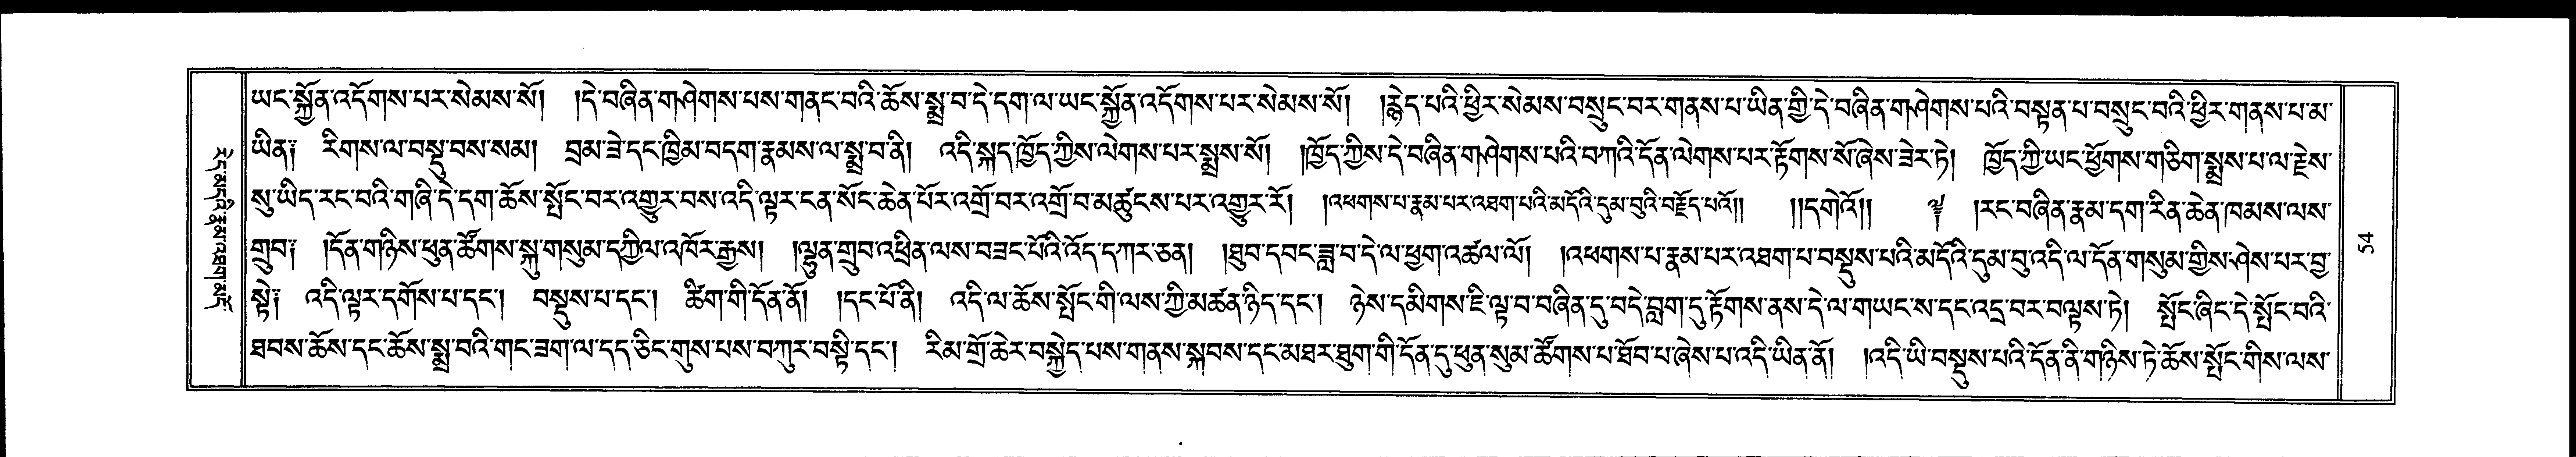ཡང་སྐྱོན་འདོགས་པར་སེམས་སོ། །དེ་བཞིན་གཤེགས་པས་གནང་བའི་ཆོས་སྨྲ་བ་དེ་དག་ལ་ཡང་སྐྱོན་འདོགས་པར་སེམས་སོ། །རྙེད་པའི་ཕྱིར་སེམས་བསྲུང་བར་གནས་པ་ཡིན་གྱི་དེ་བཞིན་གཤེགས་པའི་བསྟན་པ་བསྲུང་བའི་ཕྱིར་གནས་པ་མ་
ཡིན། རིགས་ལ་བསྡུ་བས་སམ། བྲམ་ཟེ་དང་ཁྱིམ་བདག་རྣམས་ལ་སྨྲ་བ་ནི། འདི་སྐད་ཁྱོད་ཀྱིས་ལེགས་པར་སྨྲས་སོ། །ཁྱོད་ཀྱིས་དེ་བཞིན་གཤེགས་པའི་བཀའི་དོན་ལེགས་པར་རྟོགས་སོ་ཞེས་ཟེར་ཏེ། ཁྱོད་ཀྱི་ཡང་ཕྱོགས་གཅིག་སྨྲས་པ་ལ་རྗེས་
སུ་ཡི་རང་བའི་གཞི་དེ་དག་ཆོས་སྤོང་བར་འགྱུར་བས་འདི་ལྟར་ངན་སོང་ཆེན་པོར་འགྲོ་བར་འགྲོ་བ་མཚུངས་པར་འགྱུར་རོ། །འཕགས་པ་རྣམ་པར་འཐག་པའི་མདོའི་དུམ་བུའི་བརྗོད་པའོ།། །།དགེའོ།། ༈ །རང་བཞིན་རྣམ་དག་རིན་ཆེན་ཁམས་ལས་
གྲུབ། །དོན་གཉིས་ཕུན་ཚོགས་སྐུ་གསུམ་དཀྱིལ་འཁོར་རྒྱས། །ལྷུན་གྲུབ་འཕྲིན་ལས་བཟང་པོའི་འོད་དཀར་ཅན། །ཐུབ་དབང་ཟླ་བ་དེ་ལ་ཕྱག་འཚལ་ལོ། །འཕགས་པ་རྣམ་པར་འཐག་པ་བསྡུས་པའི་མདོའི་དུམ་བུ་འདི་ལ་དོན་གསུམ་གྱིས་ཤེས་པར་བྱ་
སྟེ། འདི་ལྟར་དགོས་པ་དང་། བསྡུས་པ་དང་། ཚིག་གི་དོན་ནོ། །དང་པོ་ནི། འདི་ལ་ཆོས་སྤོང་གི་ལས་ཀྱི་མཚན་ཉིད་དང་། ཉེས་དམིགས་ཇི་ལྟ་བ་བཞིན་དུ་བདེ་བླག་དུ་རྟོགས་ནས་དེ་ལ་གཡང་ས་དང་འདྲ་བར་བལྟས་ཏེ། སྤོང་ཞིང་དེ་སྤོང་བའི་
ཐབས་ཆོས་དང་ཆོས་སྨྲ་བའི་གང་ཟག་ལ་དད་ཅིང་གུས་པས་བཀུར་བསྟི་དང་། རིམ་གྲོ་ཆེར་བསྐྱེད་པས་གནས་སྐབས་དང་མཐར་ཐུག་གི་དོན་དུ་ཕུན་སུམ་ཚོགས་པ་ཐོབ་པ་ཞེས་པ་འདི་ཡིན་ནོ། །འདི་ཡི་བསྡུས་པའི་དོན་ནི་གཉིས་ཏེ་ཆོས་སྤོང་གིས་ལས་